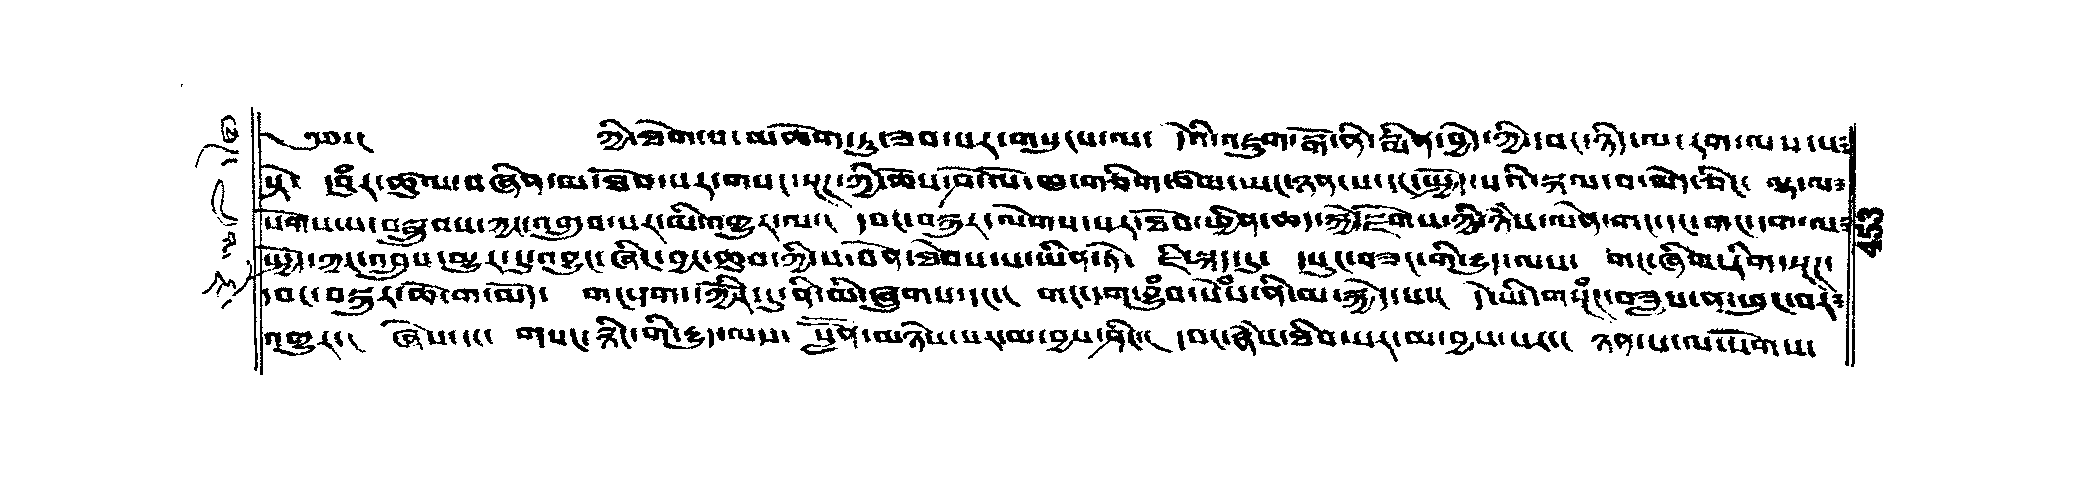ཀྱི་ཐེག་པ་མཆོག་ཏུ་ཟབ་པར་གསུངས་ལ། དེའི་འཇུག་སྒོ་ནི་སྨིན་བྱེད་ཀྱི་དབང་ཉིད་ལ་རག་ལས་པ་
སྟེ། དབང་བསྐུར་ཚུལ་བཞིན་མ་ཐོབ་པར་གསང་སྔགས་ཀྱི་ཆོས་ཤོ་ལོ་ཁ་གཅིག་ཙམ་ཡང་ཉན་པ་དང་སྤྱོད་པའི་སྐལ་བ་མེདཅིང་། ལྷ་ལ་
སོགས་པ་བསྒྲུབས་ཀྱང་འགྲུབ་པར་མི་འགྱུར་ལ། དབང་བསྐུར་ལེགས་པར་ཐོབ་ཕྱིན་ཆད་བསྐྱེད་རྫོགས་ཀྱི་ཉམས་ལེན་གང་དང་གང་དག་ལ་
སྤྱོད་ཀྱང་འབྲས་བུ་མྱུར་དུ་འབྱུང་ཞིང་བྱང་ཆུབ་ཀྱི་ས་བོན་ཐེབས་པ་ཡིན་ཏེ། ཇི་སྐད་དུ། དཔུང་བཟང་གི་རྒྱུད་ལས། གང་ཞིག་རིག་སྔགས་
དབང་བསྐུར་ཆོ་ག་མོད། གང་དག་དཀྱིལ་འཁོར་དུ་ནི་མི་ཞུགས་དང་། །གང་དག་བྱང་ཆུབ་སེམས་ནི་མ་སྐྱེད་པ། །དེའི་གསང་སྔགས་བཟླས་ན་ཕུང་བར་
འགྱུར། །ཞེས་དང་། གསང་རྙིང་གི་རྒྱུད་ལས། སློབ་དཔོན་མཉེས་པར་མ་བྱས་ཤིང་། །དབང་རྣམས་ཐོབ་པར་མ་བྱས་པར། །ཉན་པ་ལ་སོགས་